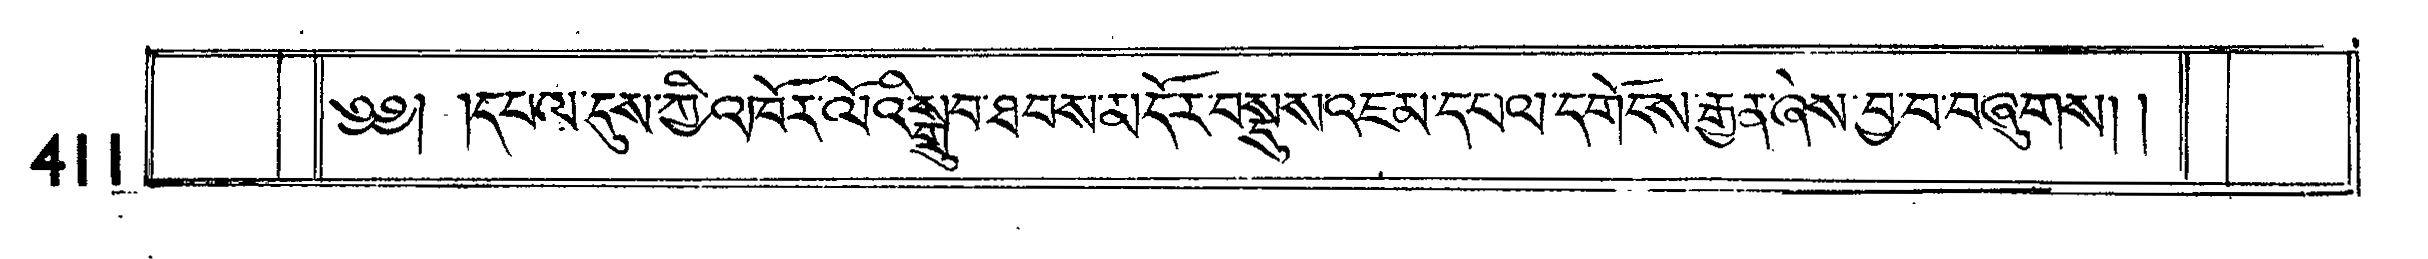༄༅། །དཔལ་དུས་ཀྱི་འཁོར་ལོའི་སྒྲུབ་ཐབས་མདོར་བསྡུས་འཇམ་དཔལ་དགོངས་རྒྱན་ཞེས་བྱ་བ་བཞུགས། །